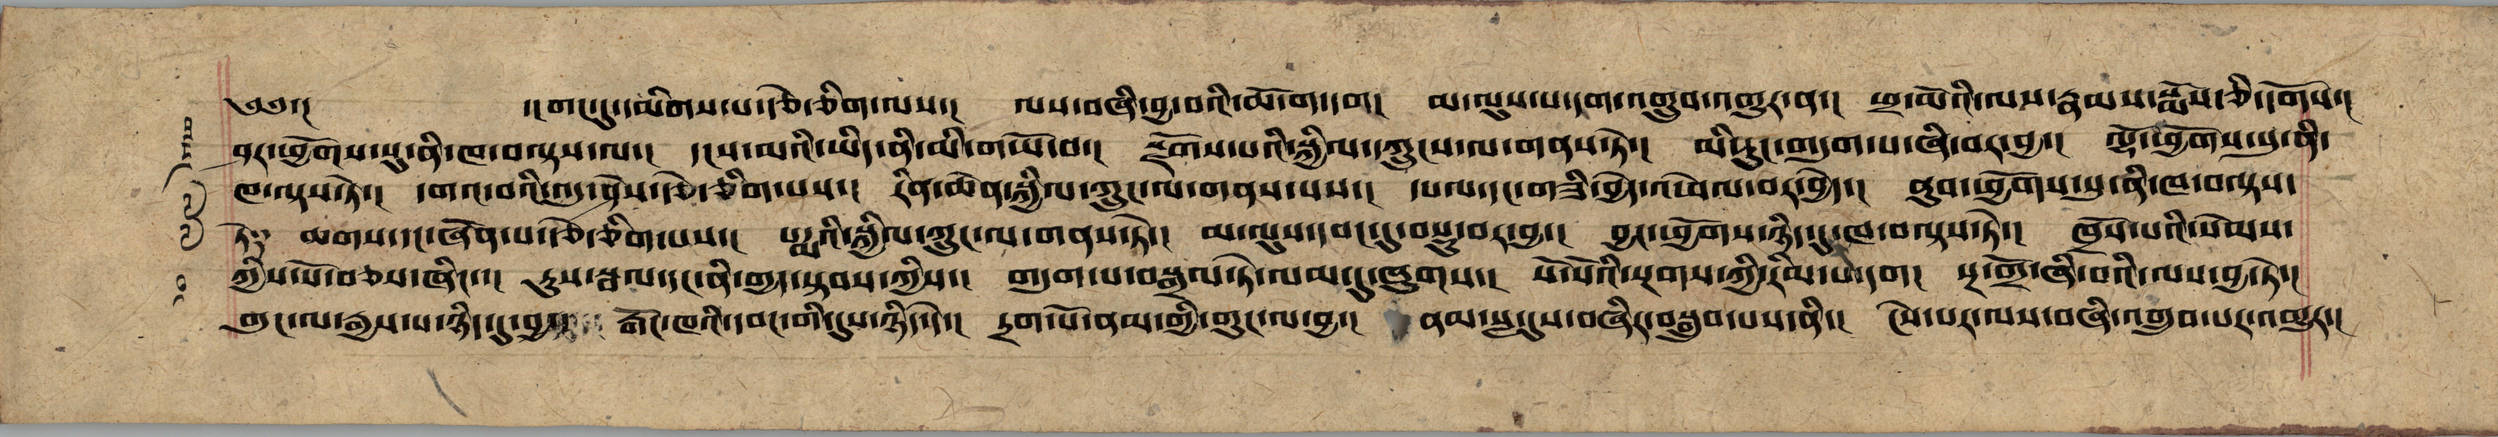༄༅་། ་།གང་དུ་དམིགས་པ་རྩེ་ཅིག་ལས་། ལས་བཞི་བྱ་བའི་ཆོ་ག་དག། མ་ལུས་ས་དག་འགྲུབ་འགྱུར་ན་། ཕྲ་མོའི་ལས་རྣམས་སྨོས་ཅི་དགོས་།
ཤར་ཕྱོགས་སུ་ནི་ཁ་བལྟས་ལ་། དངས་མའི་ཡིད་ནི་མི་གཡོ་བ་། སྫོགས་པའི་སྐྱིལ་དཀྲུངས་ལ་གནས་ཏེ་། མིི་རུང་གདུག་པ་ཞི་བར་བྱ་། ལྷོ་ཕྱོགས་སུ་ནི་
ཁ་ལྟས་ཏེ་། དགའ་བའི་འདུ་ཤེས་རྩེ་ཅིག་པས་། རིན་ཆེན་སྐྱིལ་ཀྲུང་ལ་གནས་པས་། དཔལ་དང་གཟི་བྱེད་འཕེལ་བར་བྱེད་། ནུབ་ཕྱོགས་སུ་ནི་ཁ་བལྟས་
ཏེ༑ ཆགས་དང་ཞེན་པ་རྩེ་ཅིག་པས་། པདྨའི་སྐྱིལ་ཀྲུང་ལ་གནས་ཏེ་། མ་ལུས་དབང་དུ་བསྡུ་བར་བྱ་། བྱང་ཕྱོགས་ཉིད་དུ་ཁ་བལྟས་ཏེ་། ཁྲོས་པའི་སེམས་
ཀྱིས་་སོབཅས་ཞིང་་། རུས་སྦལ་དང་ནི་གྱད་སྟབས་ཀྱིས་། གདུག་པ་བསྒྲལ་ཏེ་ལམ་དུ་ཞུགས་། སོ་སོའི་སྔགས་ཀྱི་རིམ་པ་དག། སྔ་གྲོ་ཞི་བའི་ལས་བྱ་ཏེ་།
གུང་ལ་རྒྱས་པ་ཉིད་དུ་བྱ་། རྒོང་ཁའི་དབང་གི་དུས་ཉིད་དེ་། དྲག་པོ་ནམ་གྱི་གུང་ལ་བྱ་། ནམ་སླ་དུས་བཞིར་བསྒྲུབ་པས་ནི་། ངེས་པར་ལས་བཞི་འགྲུབ་པར་འགྱུར་།